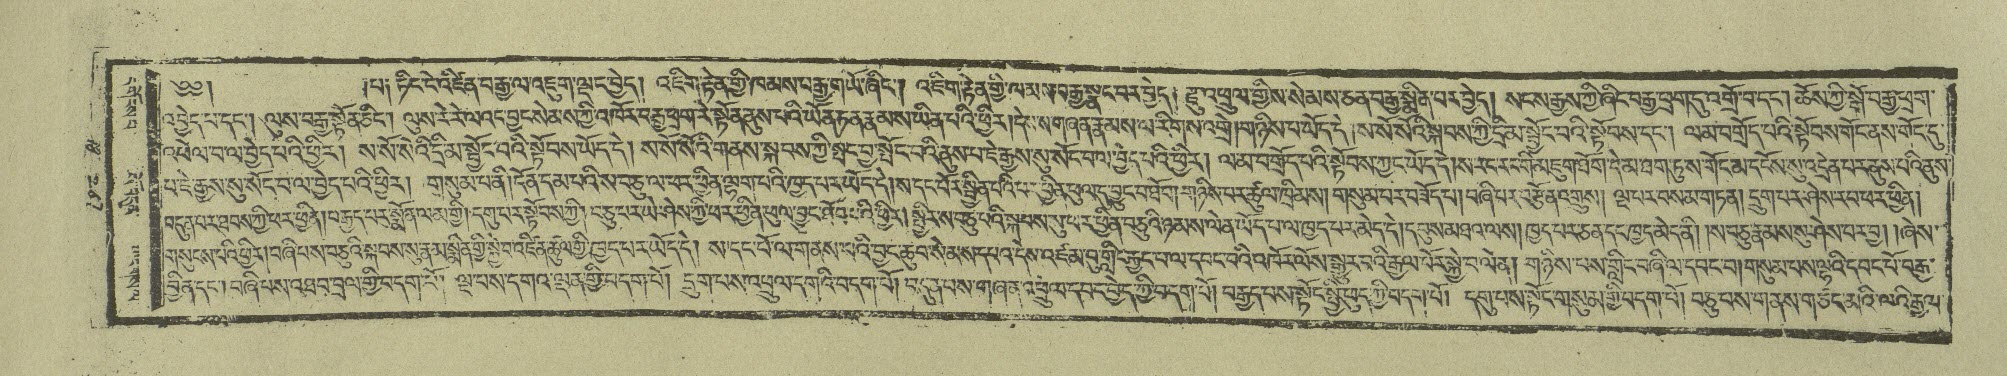༄༅། །པ། ཏིང་ངེ་འཛིན་བརྒྱ་ལ་འཇུག་ལྡང་བྱེད། འཇིག་རྟེན་གྱི་ཁམས་བརྒྱ་གཡོ་ཞིང་། འཇིག་རྟེན་གྱི་ཁམས་བརྒྱ་སྣང་བར་བྱེད། རྫུ་འཕྲུལ་གྱིས་སེམས་ཅན་བརྒྱ་སྨིན་པར་བྱེད། སངས་རྒྱས་ཀྱི་ཞིང་བརྒྱ་ཕྲག་དུ་འགྲོ་བ་དང་། ཆོས་ཀྱི་སྒོ་བརྒྱ་ཕྲག་
འབྱེད་པ་དང་། ལུས་བརྒྱ་སྟོན་ཅིང་། ལུས་རེ་རེ་ལའང་བྱང་སེམས་ཀྱི་འཁོར་བརྒྱ་ཕྲག་རེ་སྟོན་ནུས་པའི་ཡོན་ཏན་རྣམས་ཡིན་པའི་ཕྱིར། དེས་ས་གཞན་རྣམས་ལ་རིགས་འགྲེ་།གཉིས་པ་ཡོད་དེ། ས་སོ་སོའི་སྐབས་ཀྱི་དྲི་མ་སྦྱོང་བའི་སྟོབས་དང་། ལམ་བགྲོད་པའི་སྟོབས་གོང་ནས་གོང་དུ་
འཕེལ་བ་ལ་བྱེད་པའི་ཕྱིར། ས་སོ་སོའི་དྲི་མ་སྦྱོང་བའི་སྟོབས་ཡོད་དེ། ས་སོ་སོའི་གནས་སྐབས་ཀྱི་སྤང་བྱ་སྤོང་བའི་ནུས་པ་ཇེ་རྒྱས་སུ་སོང་བ་ལ་བྱེད་པའི་ཕྱིར། ལམ་བགྲོད་པའི་སྟོབས་ཀྱང་ཡོད་དེ། ས་རང་རང་གི་མཇུག་ཐོག་དེ་མ་ཐག་ཏུ་ས་གོང་མ་དངོས་སུ་འདྲེན་པར་ནུས་པའི་ནུས་
པ་ཇེ་རྒྱས་སུ་སོང་བ་ལ་བྱེད་པའི་ཕྱིར། གསུམ་པ་ནི། དོན་དམ་པའི་ས་བཅུ་ལ་ཕར་ཕྱིན་ལྷག་པའི་ཁྱད་པར་ཡོད་དེ། ས་དང་པོར་སྦྱིན་པའི་ཕར་ཕྱིན་ཕུལ་དུ་བྱུང་བ་ཐོབ། གཉིས་པར་ཚུལ་ཁྲིམས། གསུམ་པར་བཟོད་པ། བཞི་པར་བརྩོན་འགྲུས། ལྔ་པར་བསམ་གཏན། དྲུག་པར་ཤེས་རབ་ཕར་ཕྱིན།
བདུན་པར་ཐབས་ཀྱི་ཕར་ཕྱིན། བརྒྱད་པར་སྨོན་ལམ་གྱི། དགུ་པར་སྟོབས་ཀྱི། བཅུ་པ་ལ་ཡེ་ཤེས་ཀྱི་ཕར་ཕྱིན་ཕུལ་བྱུང་ཐོབ་པའི་ཕྱིར། སྤྱིར་ས་བཅུ་པའི་སྐབས་སུ་ཕར་ཕྱིན་བཅུའི་ཉམས་ལེན་ཡོད་པ་ལ་ཁྱད་པར་མེད་དེ། དབུས་མཐའ་ལས། ཁྱད་པར་ཅན་དང་ཁྱད་མེད་ནི། །ས་བཅུ་རྣམས་སུ་ཤེས་པར་བྱ། །ཞེས་
གསུངས་པའི་ཕྱིར། བཞི་པས་བཅུའི་སྐབས་སུ་རྣམ་སྨིན་གྱི་སྐྱེ་བ་འཛིན་ཚུལ་གྱི་ཁྱད་པར་ཡོད་དེ། ས་དང་པོ་ལ་གནས་པའི་བྱང་ཆུབ་སེམས་དཔའ་དེས་འཛམ་བུ་གླིང་རྐྱང་པ་ལ་དབང་བའི་འཁོར་ལོས་སྒྱུར་བའི་རྒྱལ་པོར་སྐྱེ་བ་ལེན། གཉིས་པས་གླིང་བཞི་ལ་དབང་བ། གསུམ་པས་ལྷའི་དབང་པོ་བརྒྱ་
བྱིན་དང་། བཞི་པས་འཐབ་བྲལ་གྱི་བདག་པོ། ལྔ་པས་དགའ་ལྡན་གྱི་བདག་པོ། དྲུག་པས་འཕྲུལ་དགའི་བདག་པོ། བདུན་པས་གཞན་འཕྲུལ་དབང་བྱེད་ཀྱི་བདག་པོ། བརྒྱད་པས་སྟོང་སྤྱི་ཕུད་ཀྱི་བདག་པོ། དགུ་པས་སྟོང་གསུམ་གྱི་བདག་པོ། བཅུ་པས་གནས་གཙང་མའི་ལྷའི་རྒྱལ་